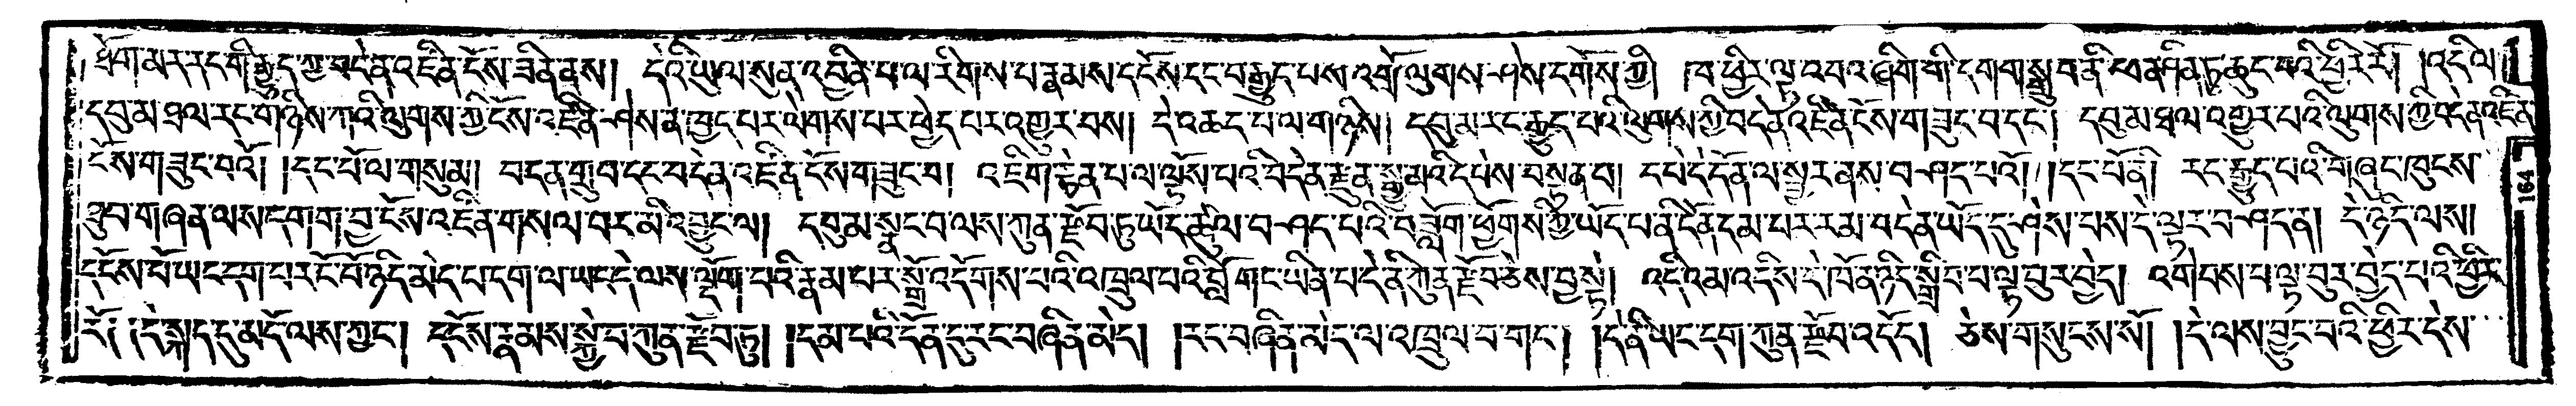ཐོག་མར་རང་གི་རྒྱུད་ཀྱི་བདེན་འཛིན་ངོས་ཟིན་ནས། དེའི་ཡུལ་སུན་འབྱིན་པ་ལ་རིགས་པ་རྣམས་དངོས་དང་བརྒྱུད་པས་འགྲོ་ལུགས་ཤེས་དགོས་ཀྱི། ཁ་ཕྱིར་ལྟ་འབའ་ཞིག་གི་དགག་སྒྲུབ་ནི་ཕན་ཤིན་ཏུ་ཆུང་བའི་ཕྱིར་རོ། །འདི་ལ་
དབུ་མ་ཐལ་རང་གཉིས་ཀའི་ལུགས་ཀྱི་ངོས་འཛིན་ཤེས་ན་ཁྱད་པར་ལེགས་པར་ཕྱེད་པར་འགྱུར་བས། དེ་འཆད་པ་ལ་གཉིས། དབུ་མ་རང་རྒྱུད་པའི་ལུགས་ཀྱི་བདེན་འཛིན་ངོས་གཟུང་པ་དང་། དབུ་མ་ཐལ་འགྱུར་བའི་ལུགས་ཀྱི་བདེན་འཛིན་
ངོས་གཟུང་བའོ། །དང་པོ་ལ་གསུམ། བདེན་གྲུབ་དང་བདེན་འཛིན་ངོས་གཟུང་བ། འཇིག་རྟེན་པ་ལ་ལྟོས་པའི་བདེན་རྫུན་སྒྱུ་མའི་དཔེས་བསྟན་པ། དཔེ་དེ་དོན་ལ་སྦྱར་ནས་བཤད་པའོ། །དང་པོ་ནི། རང་རྒྱུད་པའི་གཞུང་ཁུངས་
ཐུབ་གཞན་ལས་དགག་བྱ་ངོས་འཛིན་གསལ་བར་མི་འབྱུང་ལ། དབུ་མ་སྣང་བ་ལས་ཀུན་རྫོབ་ཏུ་ཡོད་ཚུལ་བཤད་པའི་བཟློག་ཕྱོགས་ཀྱི་ཡོད་པ་ནི་དོན་དམ་པར་རམ་བདེན་ཡོད་དུ་ཤེས་པས་དེ་ལྟར་བཤད་ན། དེ་ཉིད་ལས།
དངོས་པོ་ཡང་དག་པར་ངོ་བོ་ཉིད་མེད་པ་དག་ལ་ཡང་དེ་ལས་ལྡོག་པའི་རྣམ་པར་སྒྲོ་འདོགས་པའི་འཁྲུལ་པའི་བློ་གང་ཡིན་པ་དེ་ནི་ཀུན་རྫོབ་ཅེས་བྱ་སྟེ། འདིའམ་འདིས་དེ་ཁོ་ན་ཉིད་སྒྲིབ་པ་ལྟ་བུར་བྱེད། འགེབས་པ་ལྟ་བུར་བྱེད་པའི་ཕྱིར་
རོ༑ ༑དེ་སྐད་དུ་མདོ་ལས་ཀྱང་། དངོས་རྣམས་སྐྱེ་བ་ཀུན་རྫོབ་ཏུ། །དམ་པའི་དོན་དུ་རང་བཞིན་མེད། །རང་བཞིན་མེད་ལ་འཁྲུལ་བ་གང་། །དེ་ནི་ཡང་དག་ཀུན་རྫོབ་འདོད། ཅེས་གསུངས་སོ། །དེ་ལས་བྱུང་བའི་ཕྱིར་དེས་